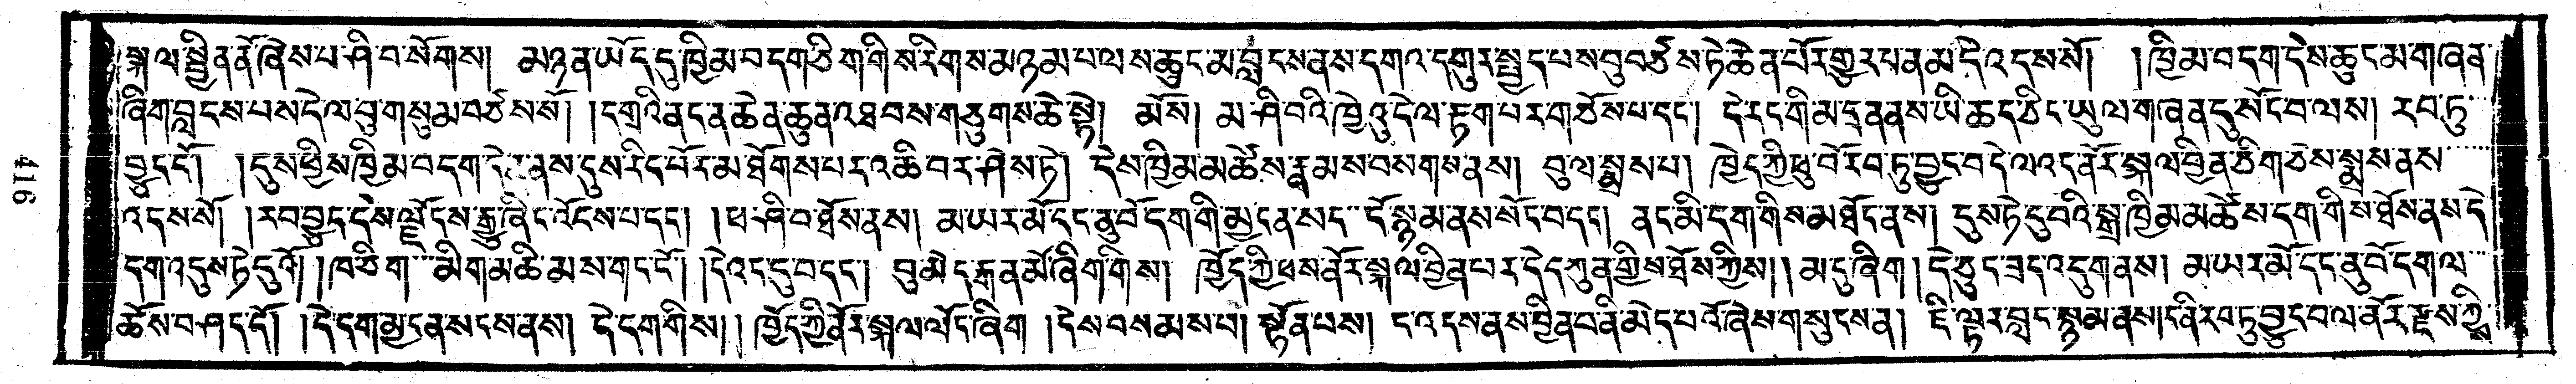སྐལ་སྦྱིན་ནོ་ཞེས་པ་ཤི་བ་སོགས། མཉན་ཡོད་དུ་ཁྱིམ་བདག་ཅིག་གིས་རིགས་མཉམ་པ་ལས་ཆུང་མ་བླངས་ནས་དགའ་དགུར་སྤྱད་པས་བུ་བཙས་ཏེ་ཆེན་པོར་གྱུར་པ་ན་མ་དེ་འདས་སོ། །ཁྱིམ་བདག་དེས་ཆུང་མ་གཞན་
ཞིག་བླངས་པས་དེ་ལ་བུ་གསུམ་བཙས་སོ། །དགྲའི་ནང་ན་ཆེན་ཆུན་འཐབས་གཅུགས་ཆེ་སྟེ། མོས། མ་ཤི་བའི་ཁྱེའུ་དེ་ལ་རྟག་པར་གཅོས་པ་དང་། དེ་རང་གི་མ་དྲན་ནས་ཡི་ཆད་ཅིང་ཡུལ་གཞན་དུ་སོང་བ་ལས། རབ་ཏུ་
བྱུང་ངོ། །དུས་ཕྱིས་ཁྱིམ་བདག་དེ་ན་ནས་དུས་རིང་པོར་མ་ཐོགས་པར་འཆི་བར་ཤེས་ཏེ། དེས་ཁྱིམ་མཚེས་རྣམས་བསགས་ནས། བུ་ལ་སྨྲས་པ། ཁྱེད་ཀྱི་ཕུ་བོ་རབ་ཏུ་བྱུང་བ་དེ་ལའང་ནོར་སྐལ་བྱིན་ཅིག་ཅེས་སྨྲས་ནས་
འདས་སོ། །རབ་བྱུང་དེས་ལྗོངས་རྒྱུ་ཞིང་འོངས་པ་དང་། །ཕ་ཤི་བ་ཐོས་ནས། མ་ཡར་མོ་དང་ནུ་བོ་དག་གི་མྱ་ངན་སང་ངོ་སྙམ་ནས་སོང་བ་དང་། ནང་མི་དག་གིས་མཐོང་ནས། དུས་ཏེ་དུ་བའི་སྒྲ་ཁྱིམ་མཚེས་དག་གིས་ཐོས་ནས་དེ་
དག་འདུས་ཏེ་དུའོ། །ཁ་ཅིག་མིག་མཆི་མས་གང་ངོ། །དེའང་དུ་བ་དང་། བུ་མེད་རྒན་མོ་ཞིག་གིས། ཁྱོད་ཀྱི་ཕས་ནོར་སྐལ་བྱིན་པར་དེད་ཀུན་གྱིས་ཐོས་ཀྱིས། །མ་ངུ?་ཞིག །དེ་ཅུང་ཟད་འདུག་ནས། མ་ཡར་མོ་དང་ནུ་བོ་དག་ལ་
ཆོས་བཤད་དོ། །དེ་དག་མྱ་ངན་སངས་ནས། དེ་དག་གིས། ཁྱོད་ཀྱི་ནོར་སྐལ་ལོང་ཞིག །དེས་བསམས་པ། སྟོན་པས། ང་འདས་ནས་བྱིན་པ་ནི་མེད་པའོ་ཞེས་གསུངས་ན། ཇི་ལྟར་བླང་སྙམ་ནས། ང་ནི་རབ་ཏུ་བྱུང་བ་ལ་ནོར་རྫས་ཀྱིས་